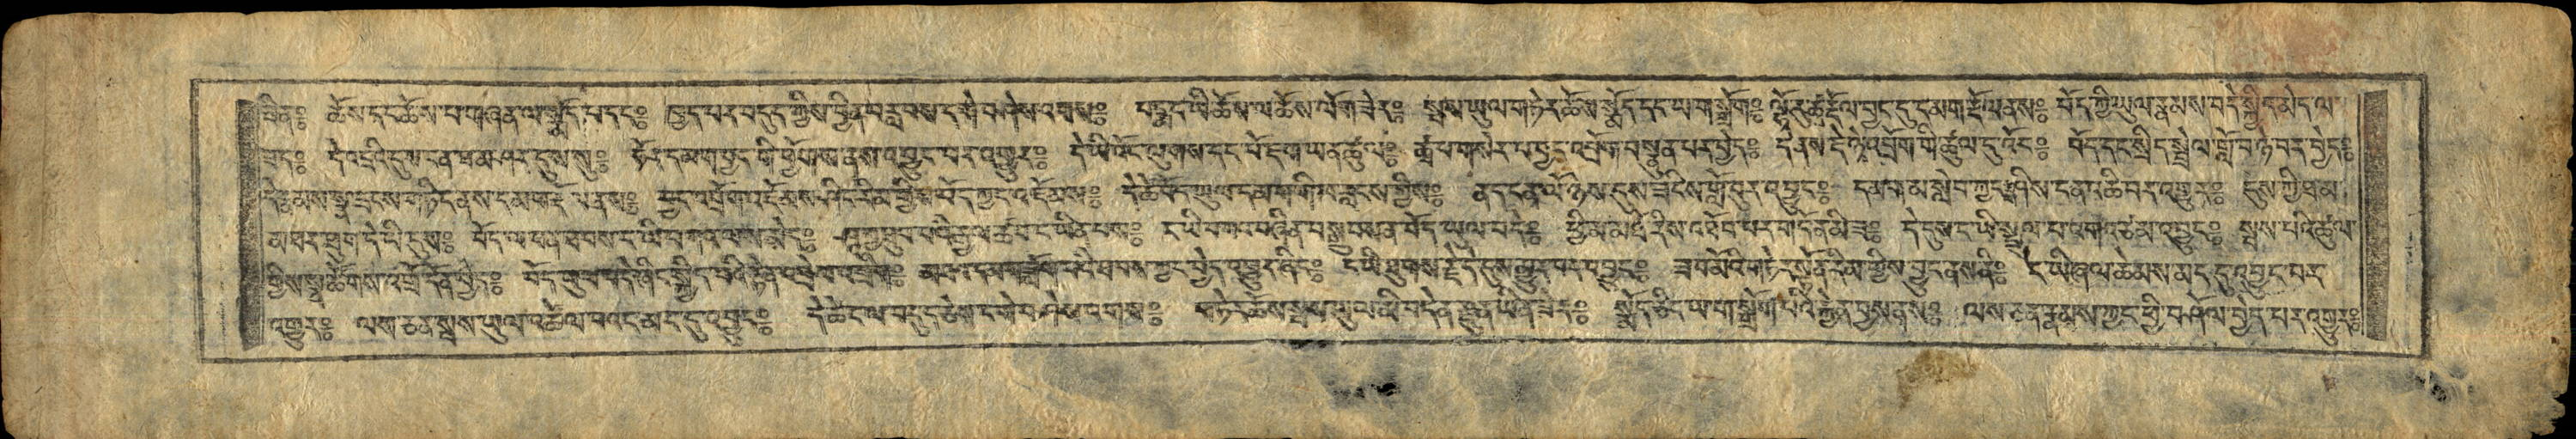ཟིནཿ་ཆོས་དང་ཆོས་པ་གཞན་ལ་སྨོད་པ་དངཿ་ཁྱད་པར་བདུད་ཀྱིས་བྱིན་བརླབས་དགེ་བཤེས་འགསཿ་པདམ་ང་ཡི་ཆོས་ལ་ཆོས་ལོག་ཟེརཿ་སྦས་ཡུལ་གཏེར་ཆོས་སྨོད་དང་ཡ་ག་སྒྲོགཿ་ལྷོ་རུ་ཚྭ་རྡོལ་བྱང་དུ་དམག་རྡོལ་ནསཿ་བོད་ཀྱི་ཡུལ་རྣམས་བདེ་སྐྱིད་མེད་ལ་
ཟདཿ་དེ་འདྲའི་དུས་ངན་ཐམ་ཤར་དུས་སུཿ་ཧོར་དམག་བྱང་གི་ཕྱོགས་ནས་འབྱུང་བར་འགྱུརཿ་དེ་ཡི་འོང་ལུགས་དང་པོ་ཇེག་ཡན་ཚུལཿ་ཚྭ་པ་གསེར་པ་བྱང་འབྲོག་བསྣུན་པར་བྱེདཿ་ད་ནས་ཇེ་ཉེ་འབྲོག་གི་ཚུལ་དུ་འོངཿ་བོད་དང་སྲིད་སྦྲེལ་གློ་བ་ཉེ་བར་བྱེདཿ
དེ་རྣམས་སྣ་དྲངས་གཏིང་ནས་དམག་རྡོལ་ནསཿ་བྱང་འབྲོག་འཇོམས་ཤིང་རིམ་གྱིས་བོད་ཀྱང་འཇོམསཿ་དེ་ཚེ་བོད་ཡུལ་དམག་གི་ཁ་རླངས་ཀྱིསཿ་ནད་ངན་ལོ་ཉེས་དུས་ཟིངས་གློ་བུར་འབྱུངཿ་དམག་མ་སླེབ་ཀྱང་གཤིས་ངན་འཆི་བར་འགྱུརཿ་དུས་ཀྱི་ཐ་མ་
མཐར་ཐུག་དེ་ཡི་དུསཿ་བོད་ལ་ཕན་ཐབས་ང་ཡི་བཀའ་ལས་མེདཿ་ཤཱཀྱ་ཐུབ་པའི་རྒྱལ་ཚབ་ང་ཡིན་པསཿ་ང་ཡི་བཀའ་བཞིན་བསྒྲུབས་ན་བོད་ཡུལ་བདེཿ་ཕྱི་མ་མཐོ་རིས་འཐོབ་པར་གདོན་མི་ཟཿ་དེ་དུས་ང་ཡི་སྤྲུལ་པ་འགའ་ཙམ་འབྱུངཿ་སྦས་པའི་ཚུལ་
གྱིས་སྣ་ཚོགས་འགྲོ་དོན་བྱེདཿ་བོད་ཡུལ་བདེ་ཞིང་སྐྱིད་པའི་རྟེན་འབྲེལ་འགྲིགཿ་མཐའ་དམག་ཟློག་པའི་ཐབས་ཀྱང་བྱད་འགྱུར་ཞིངཿ་ང་ཡི་ཐུགས་རྗེ་དེ་དུས་མྱུར་བར་འབྱུངཿ་ཟབ་མོའི་གཏེར་སྟོན་རིམ་གྱིས་བྱུང་ནས་ནིཿ་ང་ཡི་ཞལ་ཆེམས་མང་དུ་འབྱུང་བར་
འགྱུརཿ་ལས་ཅན་སྦས་ཡུལ་འཚོལ་བའང་མང་དུ་འབྱུངཿ་དེ་ཚེ་ང་ལ་བདུད་ཅེས་དགེ་བཤེས་འགསཿ་གཏེར་ཆོས་སྦས་ཡུལ་མི་བདེན་རྫུན་ཡིན་ཟེརཿ་སྨོད་ཅིང་ཡ་ག་སྒྲོག་པའི་རྐྱེན་བྱས་ནསཿ་ལས་ཅན་རྣམས་ཀྱང་ཕྱི་བཤོལ་བྱེད་པར་འགྱུརཿ